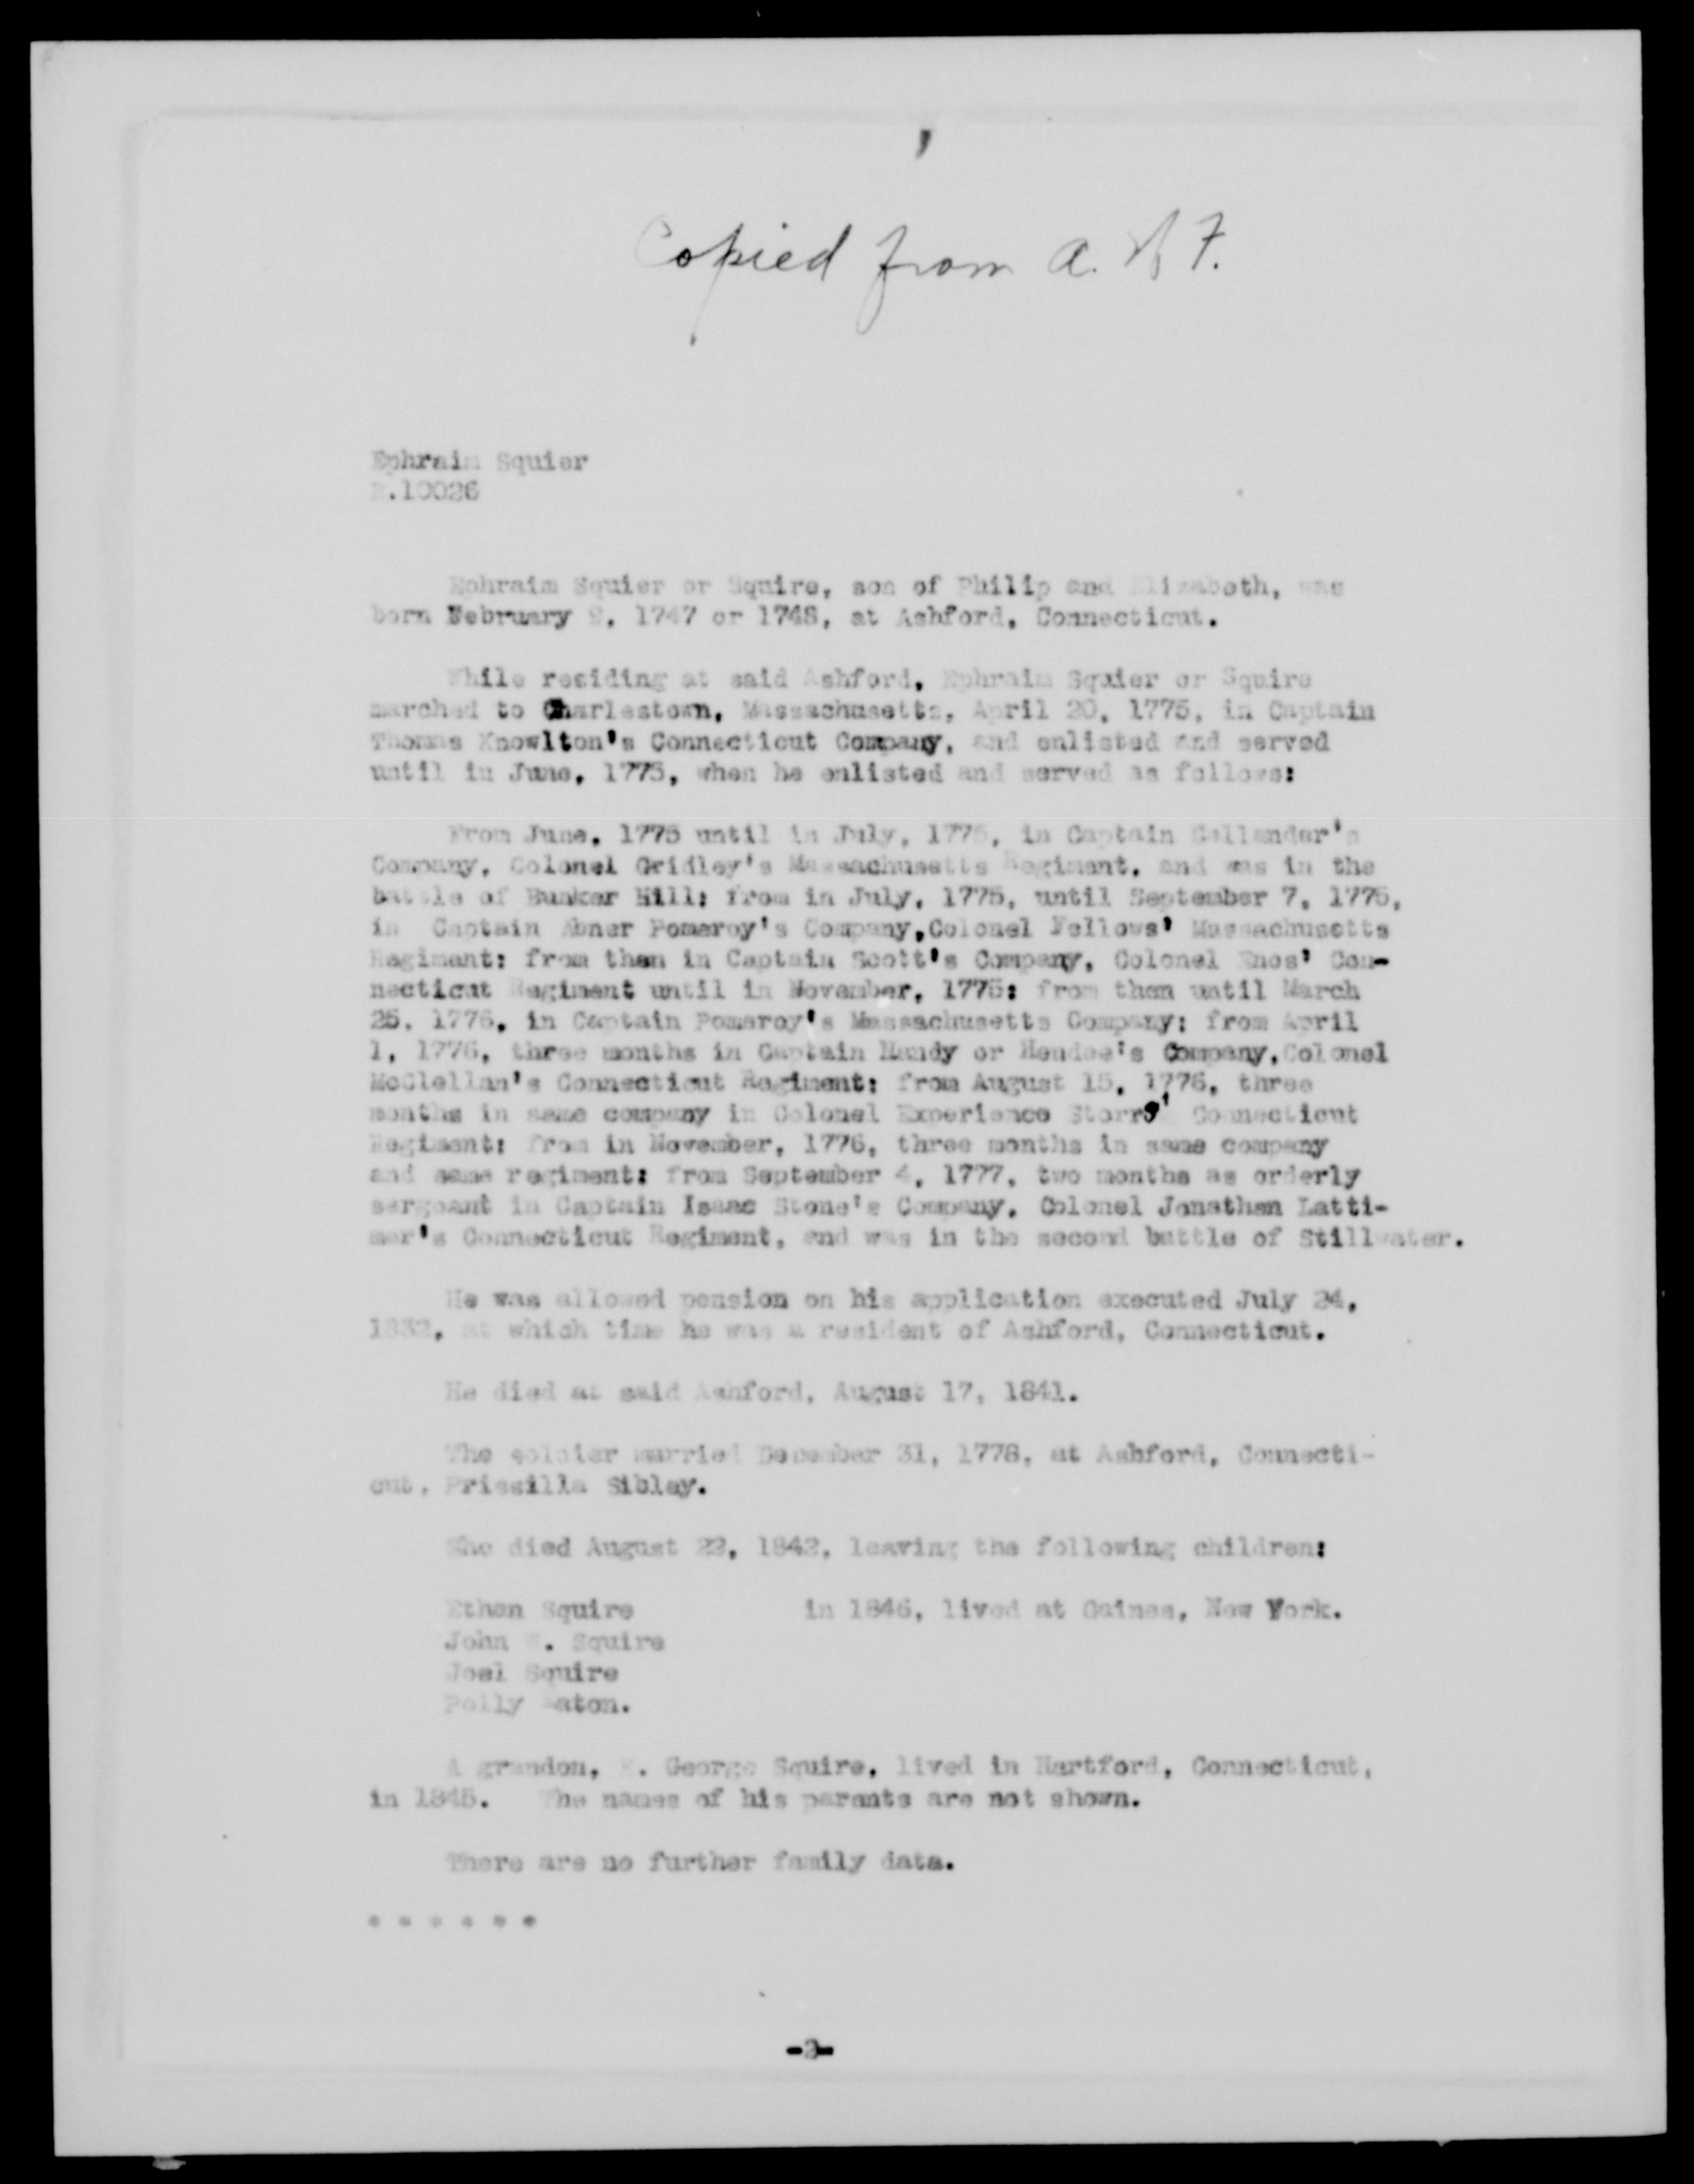COpied from A. N .F. 

Ephraim Squier 
R. 10026

Ephraim Squier or Squire, son of Philip and Elizabeth, was born February 9 1747 or 1748, at Ashford Connecticut.

While residing at said Ashford, Ephraim Squier or Squire marched to Charleston, Massachusetts, April 20, 1775 in Captain Thomas Knowltons Connecticut Company, and enlisted and served until in June, 1775, when he enlisted and served as follows:

From June, 1775 util in July, 1775 in Captain Collander's Company, Colonel Gridley's Massachusetts Regiment, and was in the battle of Bunker Hill; from in July 1775, until September 7, 1775, in Captain Abner Pomeroy's Company, Colonel Fellows' Massachhusetts Regiment: from then in Captain Scott's Company, Colonel Enos' Connecticut Regiment until in November, 1775: from then until March 25, 1776, in Captain Pomeroy's Massachusetts Company: from April 1, 1776, three months in Captain Handy or Handee's Company, Colonel McClellan's Connecticut Regiment: from August 15, 1776, three months in same company in Colonel Experience Storrs's Connecticut Regiment: from in November, 1776, three months in same company and same regiment: from September 4, 1777, two months as orderly sergeant in Captain Isaac Stone's Company, Colonel Jonathan Lattimer's Connecticut Regiment, and was in the second battle of Stillwater.

He was allowed pension on his application executed July 24, 1843, at which time he was a resident of Ashford, Connecticut. 

He died at said Ashford, August 17, 1841.

The Soldier married December 31, 1778, at Ashford, Connecticut, Prissilla Sibley.

She died August 23, 1842, leaving he following children:
Ethan Squire       in 1846, lived at Gaines, New York.
John W. Squire
Joel Squire
Polly Eaton.

A grandson, E. George Squire, lived in Hartford, Connecticut in 1845. The names of his parents are not shown. 

There are no further family data.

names: John Squire; Ephraim Squire; Philip [BLANK]; Joel Squire; Ephraim Squire; Ethan Squire; Polly Eaton; Prissilla Sibley; Elizabeth [BLANK]; Ephraim Squier; Ephraim Squier; George Squire; Ephraim Squier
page: 63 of 70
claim: rejected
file: R. 10,026, for Ephraim Squier, Connecticut